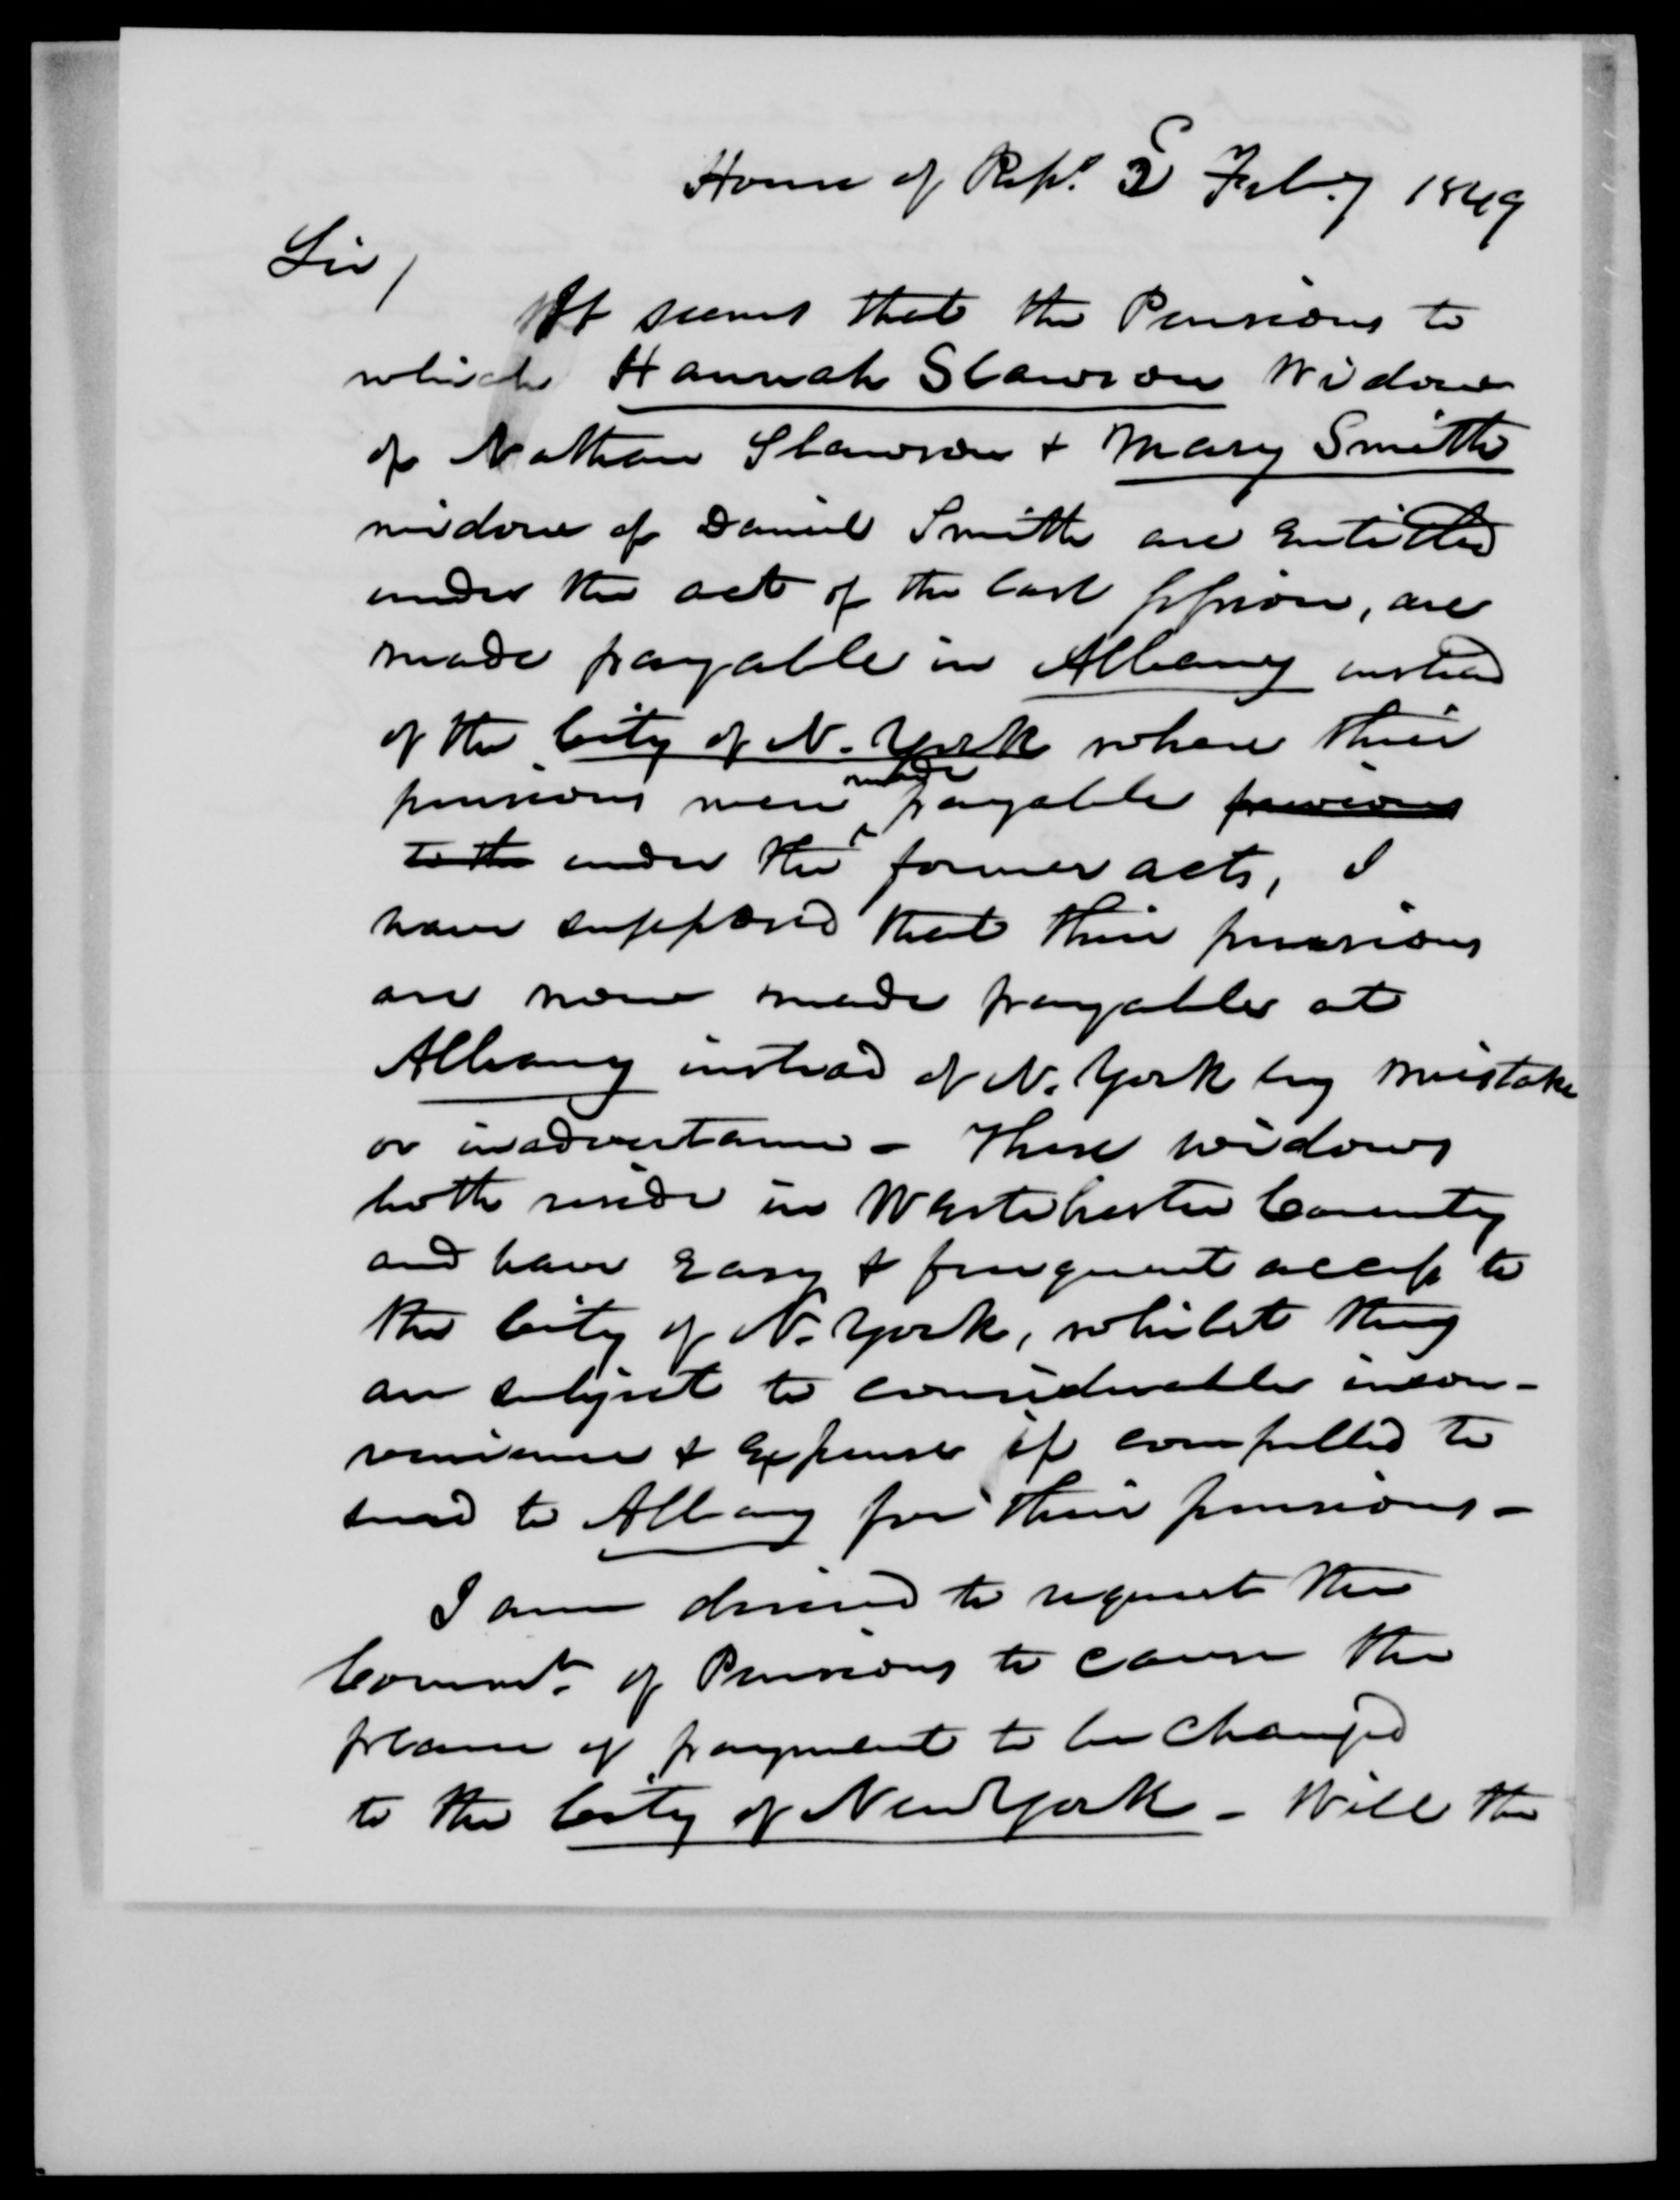House of Rep 2 Feby 1849 
Sir
It seems that the Pensions to which Hannah Slawson Widow of Nathan Slawson & Mary Smith widow of Daniel Smith are entitled under the act of the last session, were made payable in Albany instead of the City of N. York where their pensions were made payable under the former acts.  I have supposed that their pensions are now made payable at Albany instead of N. York by mistake or inadvertence.  These widows both reside in Westchester County and have easy & frequent access to the City of N. York, whilst they are subject to considerably inconveniences & expense if compelled to send to Albany for their pensions.  
I am desired to request the Commr of Pensions to cause the place of payment to be changed to the City of New York - Will the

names: Nathan Slawson; Hannah Slawson; Mary Smith; Daniel Smith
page: 63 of 87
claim: widow's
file: W. 22,226, for Nathan Slawson, Connecticut